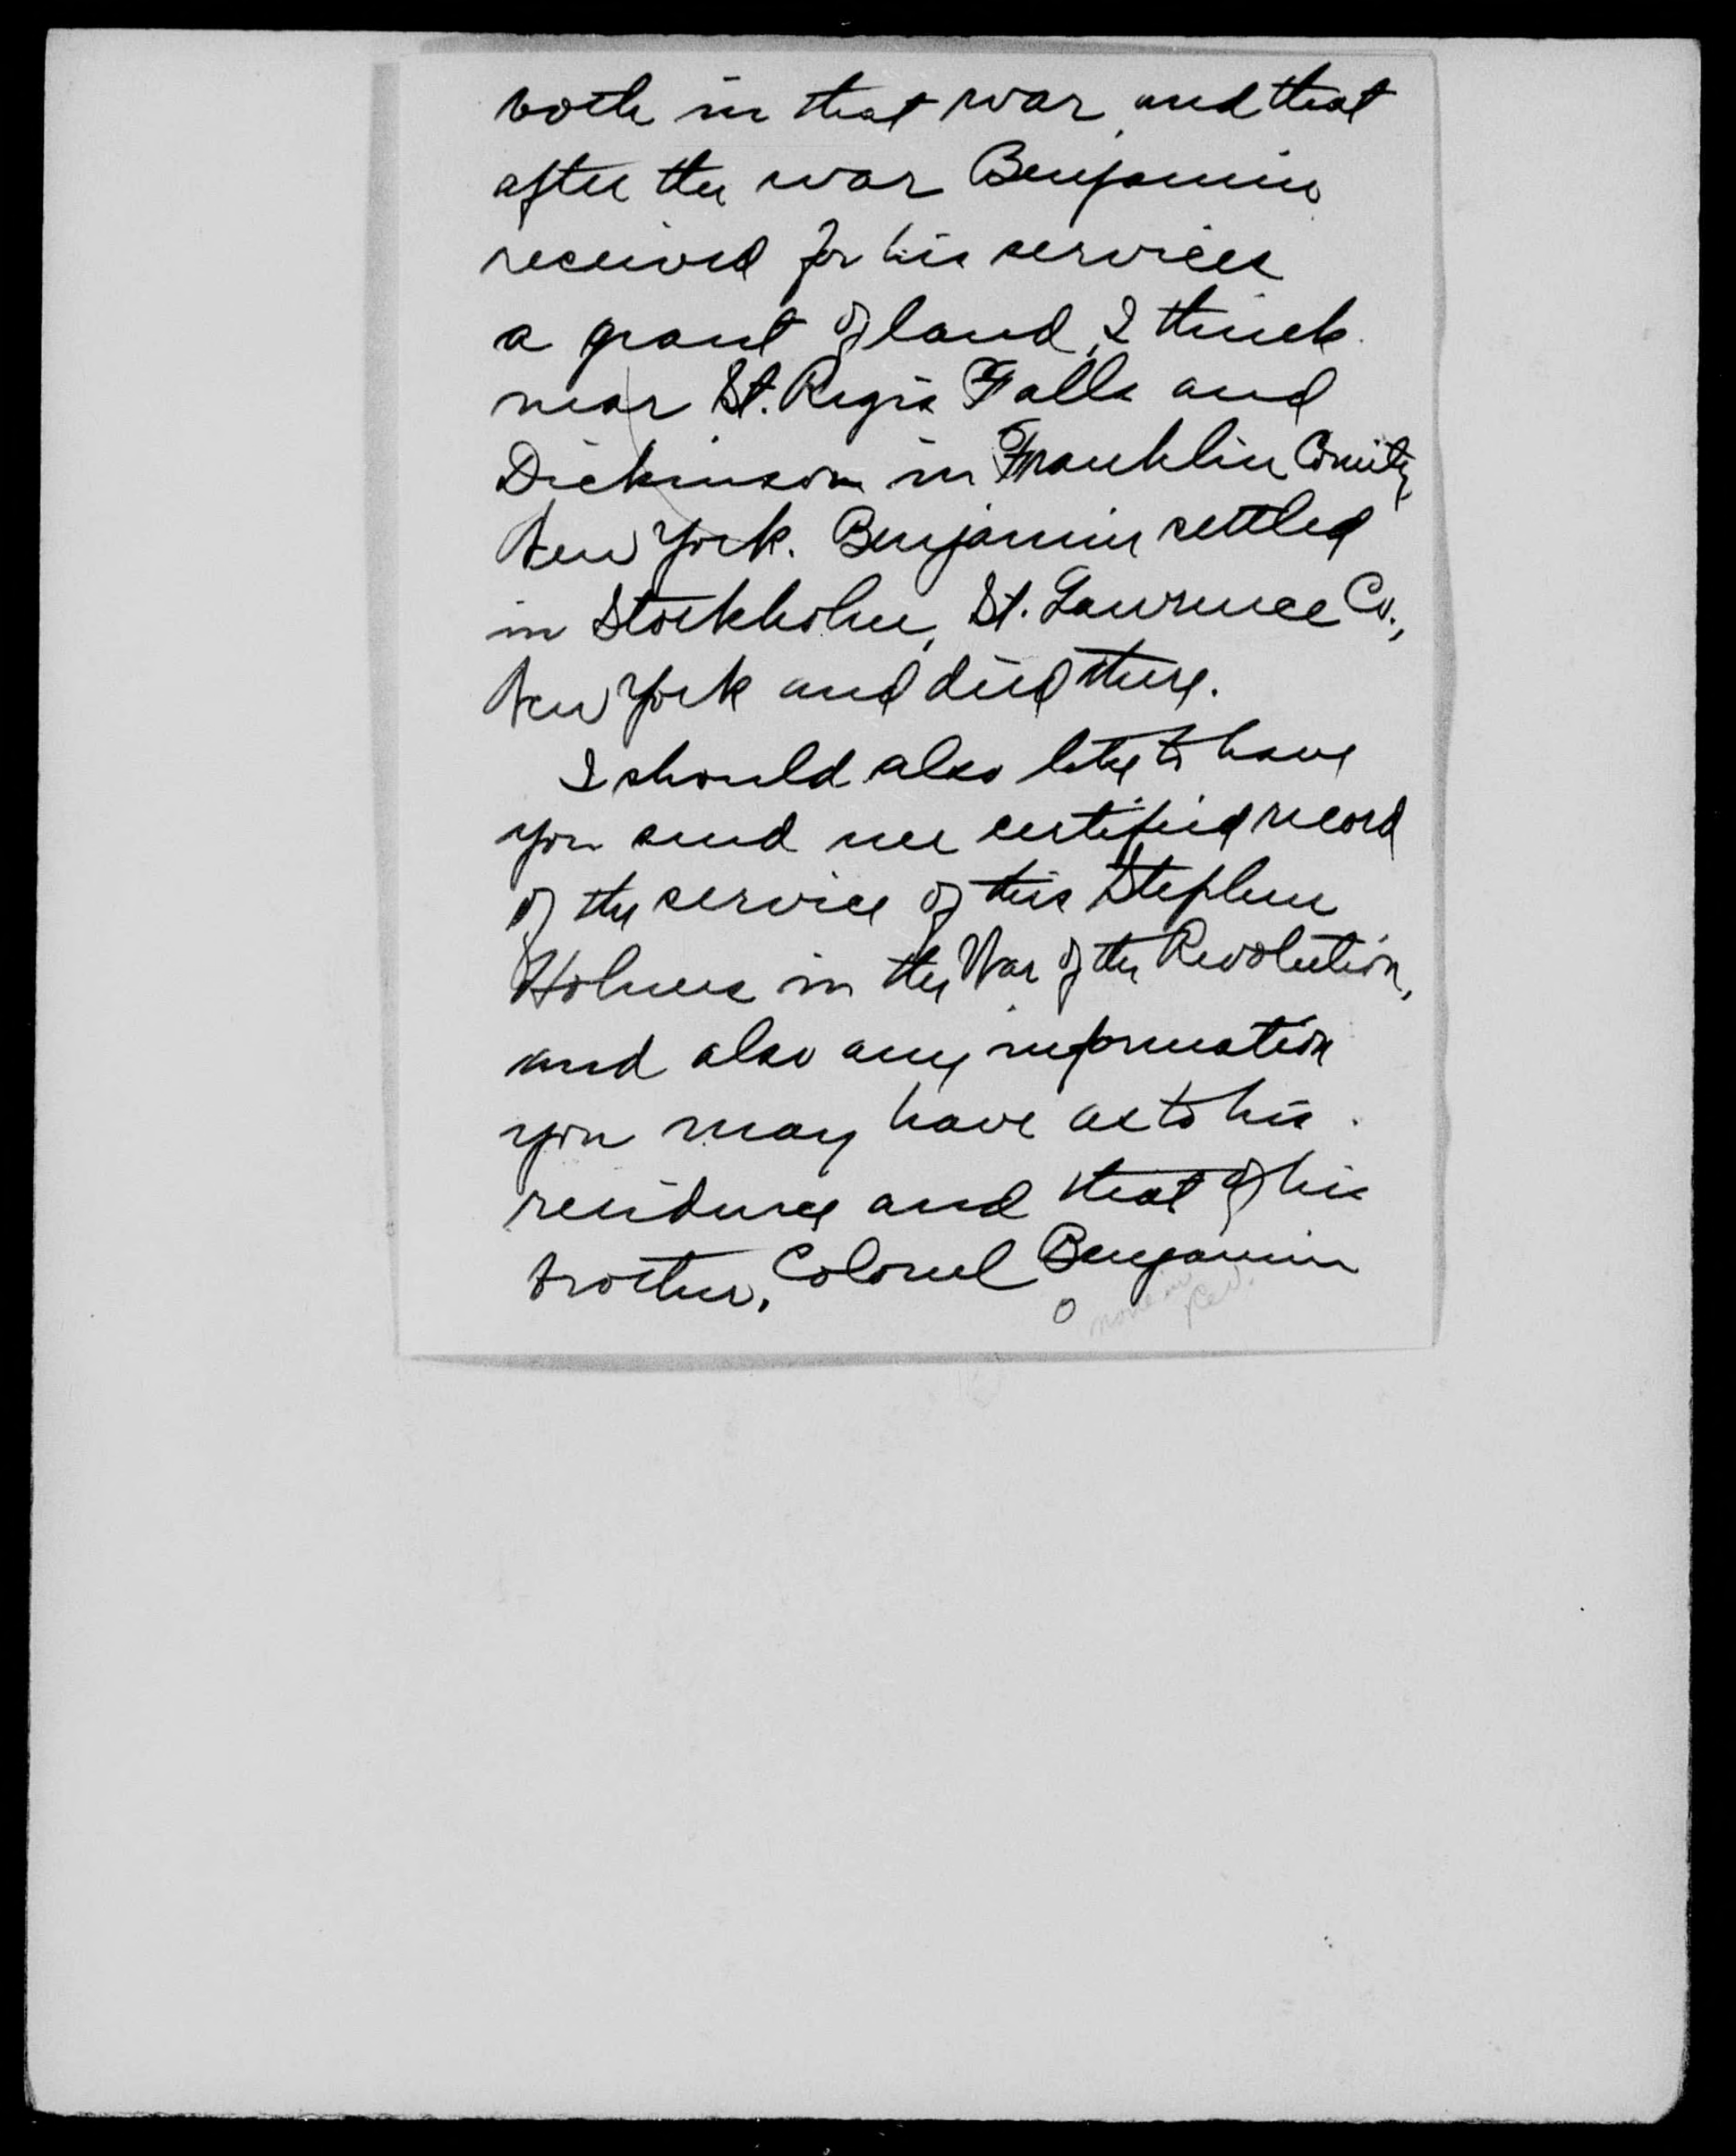both in that war, and that after the war Benjamin received for his services a grant of land, I think, near St. Regis Fall and Dickinson in Franklin  County New York. Benjamin settled in Stockholm, St. Laurence Cy., New York and died there.

I should also like to have you send me certified record of the service of this Stephen Holmes in the War of the Revolution, and also any information you may have as to his residence and that of his brother, Colonel Benjamin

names: Benjamin, Stephen Holmes, Benjamin, Benjamin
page: 60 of 72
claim: widow's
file: W. 7771, Stephen Holmes, Vt.